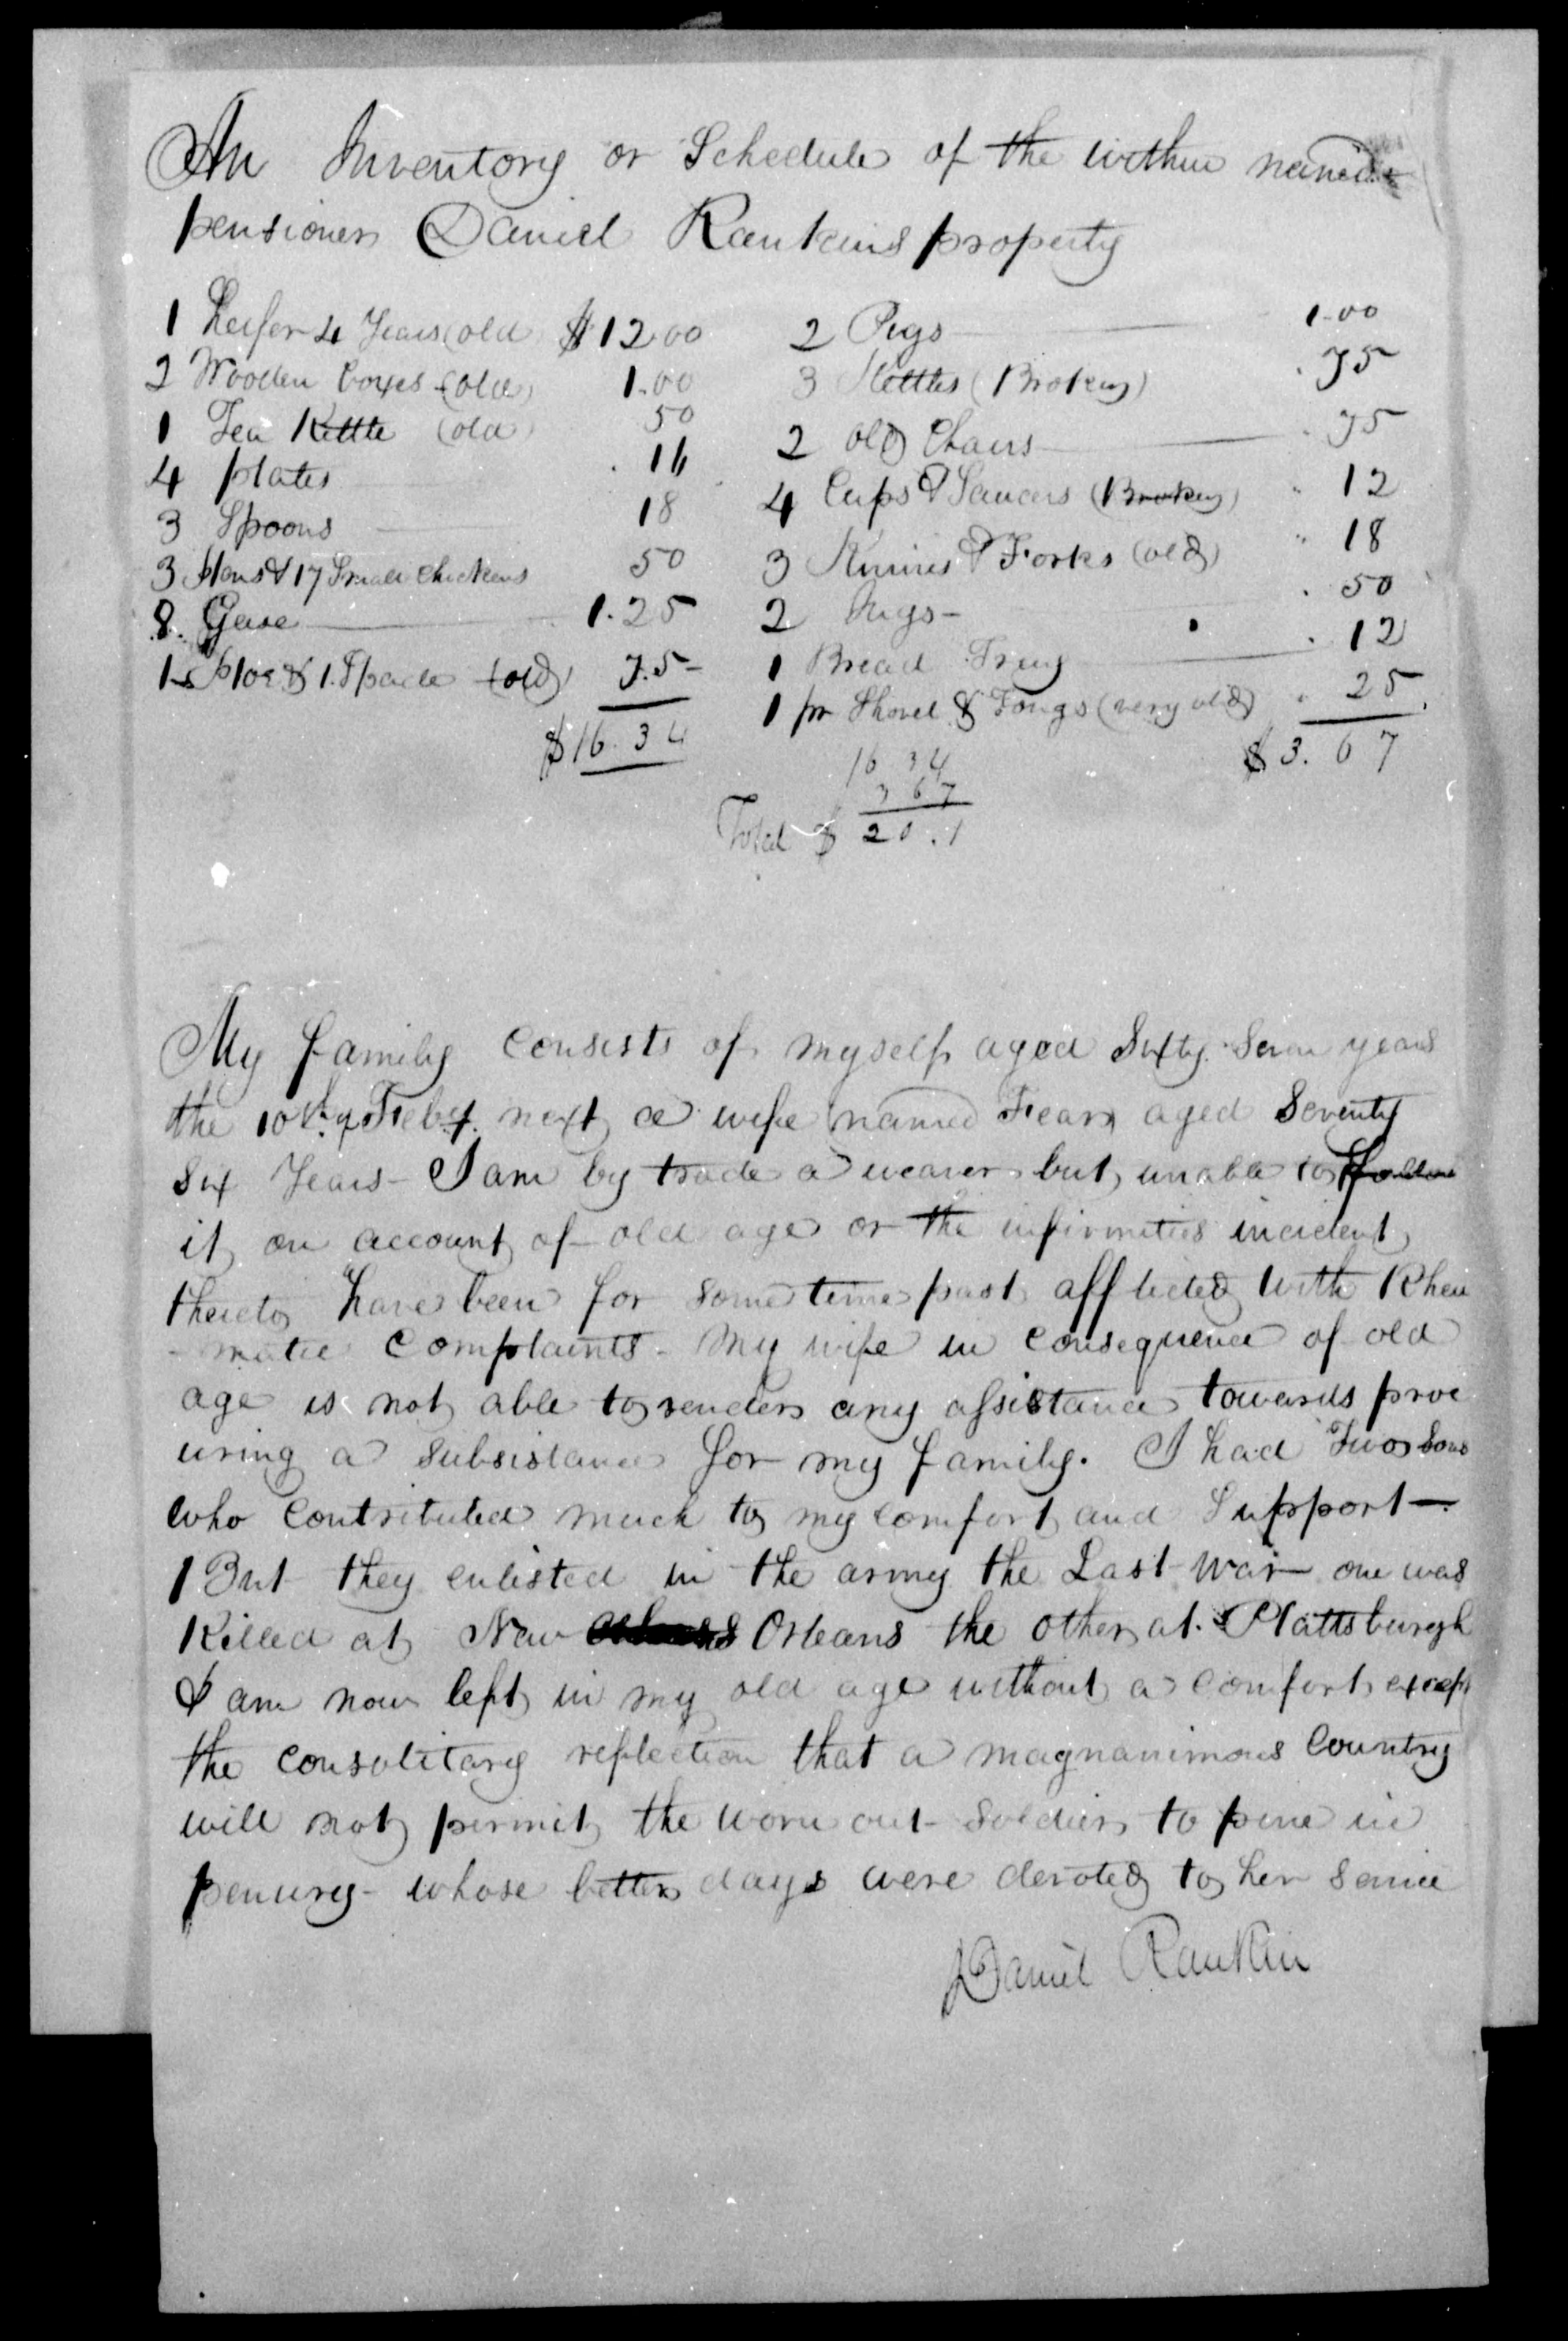An inventory or schedule of the within named pensioner Daniel Rankins property

1 heifer 4 years old   $12.00
2 pigs  1.00
2 wooden boxes - (old)   1.00
3 kettles (broken)  .75
1 tea kettle (old)   .50
2 old chairs  .75
4 plates    .16
3 spoons   .18
4 cups & saucers (broken)  .12
3 hens & 17 small chickens  .50
3 knives & forks (old)  .18
8 geese  1.25
2 jugs   .50
1 hoe & 1 spade (old)  7.5
1 bread tray  .12
1 pr shovel & tongs (very old   .25

(first column total) - $16.34

(second column total) - $3.67

(total) - 16.34 + $3.67= $20. 1

My family consists of myself aged sixty seven years the 10th of Feby next a wife (named Jean) aged seventy six years - I am by trade a weaver but unable to perform it on account of old age or the infirmities incident thereto have been for sometime past afflicted with rheumatic complaints. My wife in consequence of old age is not able to render any assistance towards procuring a subsistance for my family. I had two sons who contributed much to my comfort and support - But they enlisted in the army the last war one was killed at New Orleans the other at Plattsburgh I am now left in my old age without a comfort except the consolitary reflection that a magnanimous country will not permit the worn-out soldiers to pine in penury - whose better days were devoted to her service
Daniel Rankin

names: Daniel Rankins; Daniel Rankin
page: 14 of 27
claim: survivor's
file: S. 43897, for Daniel Rankin, New York